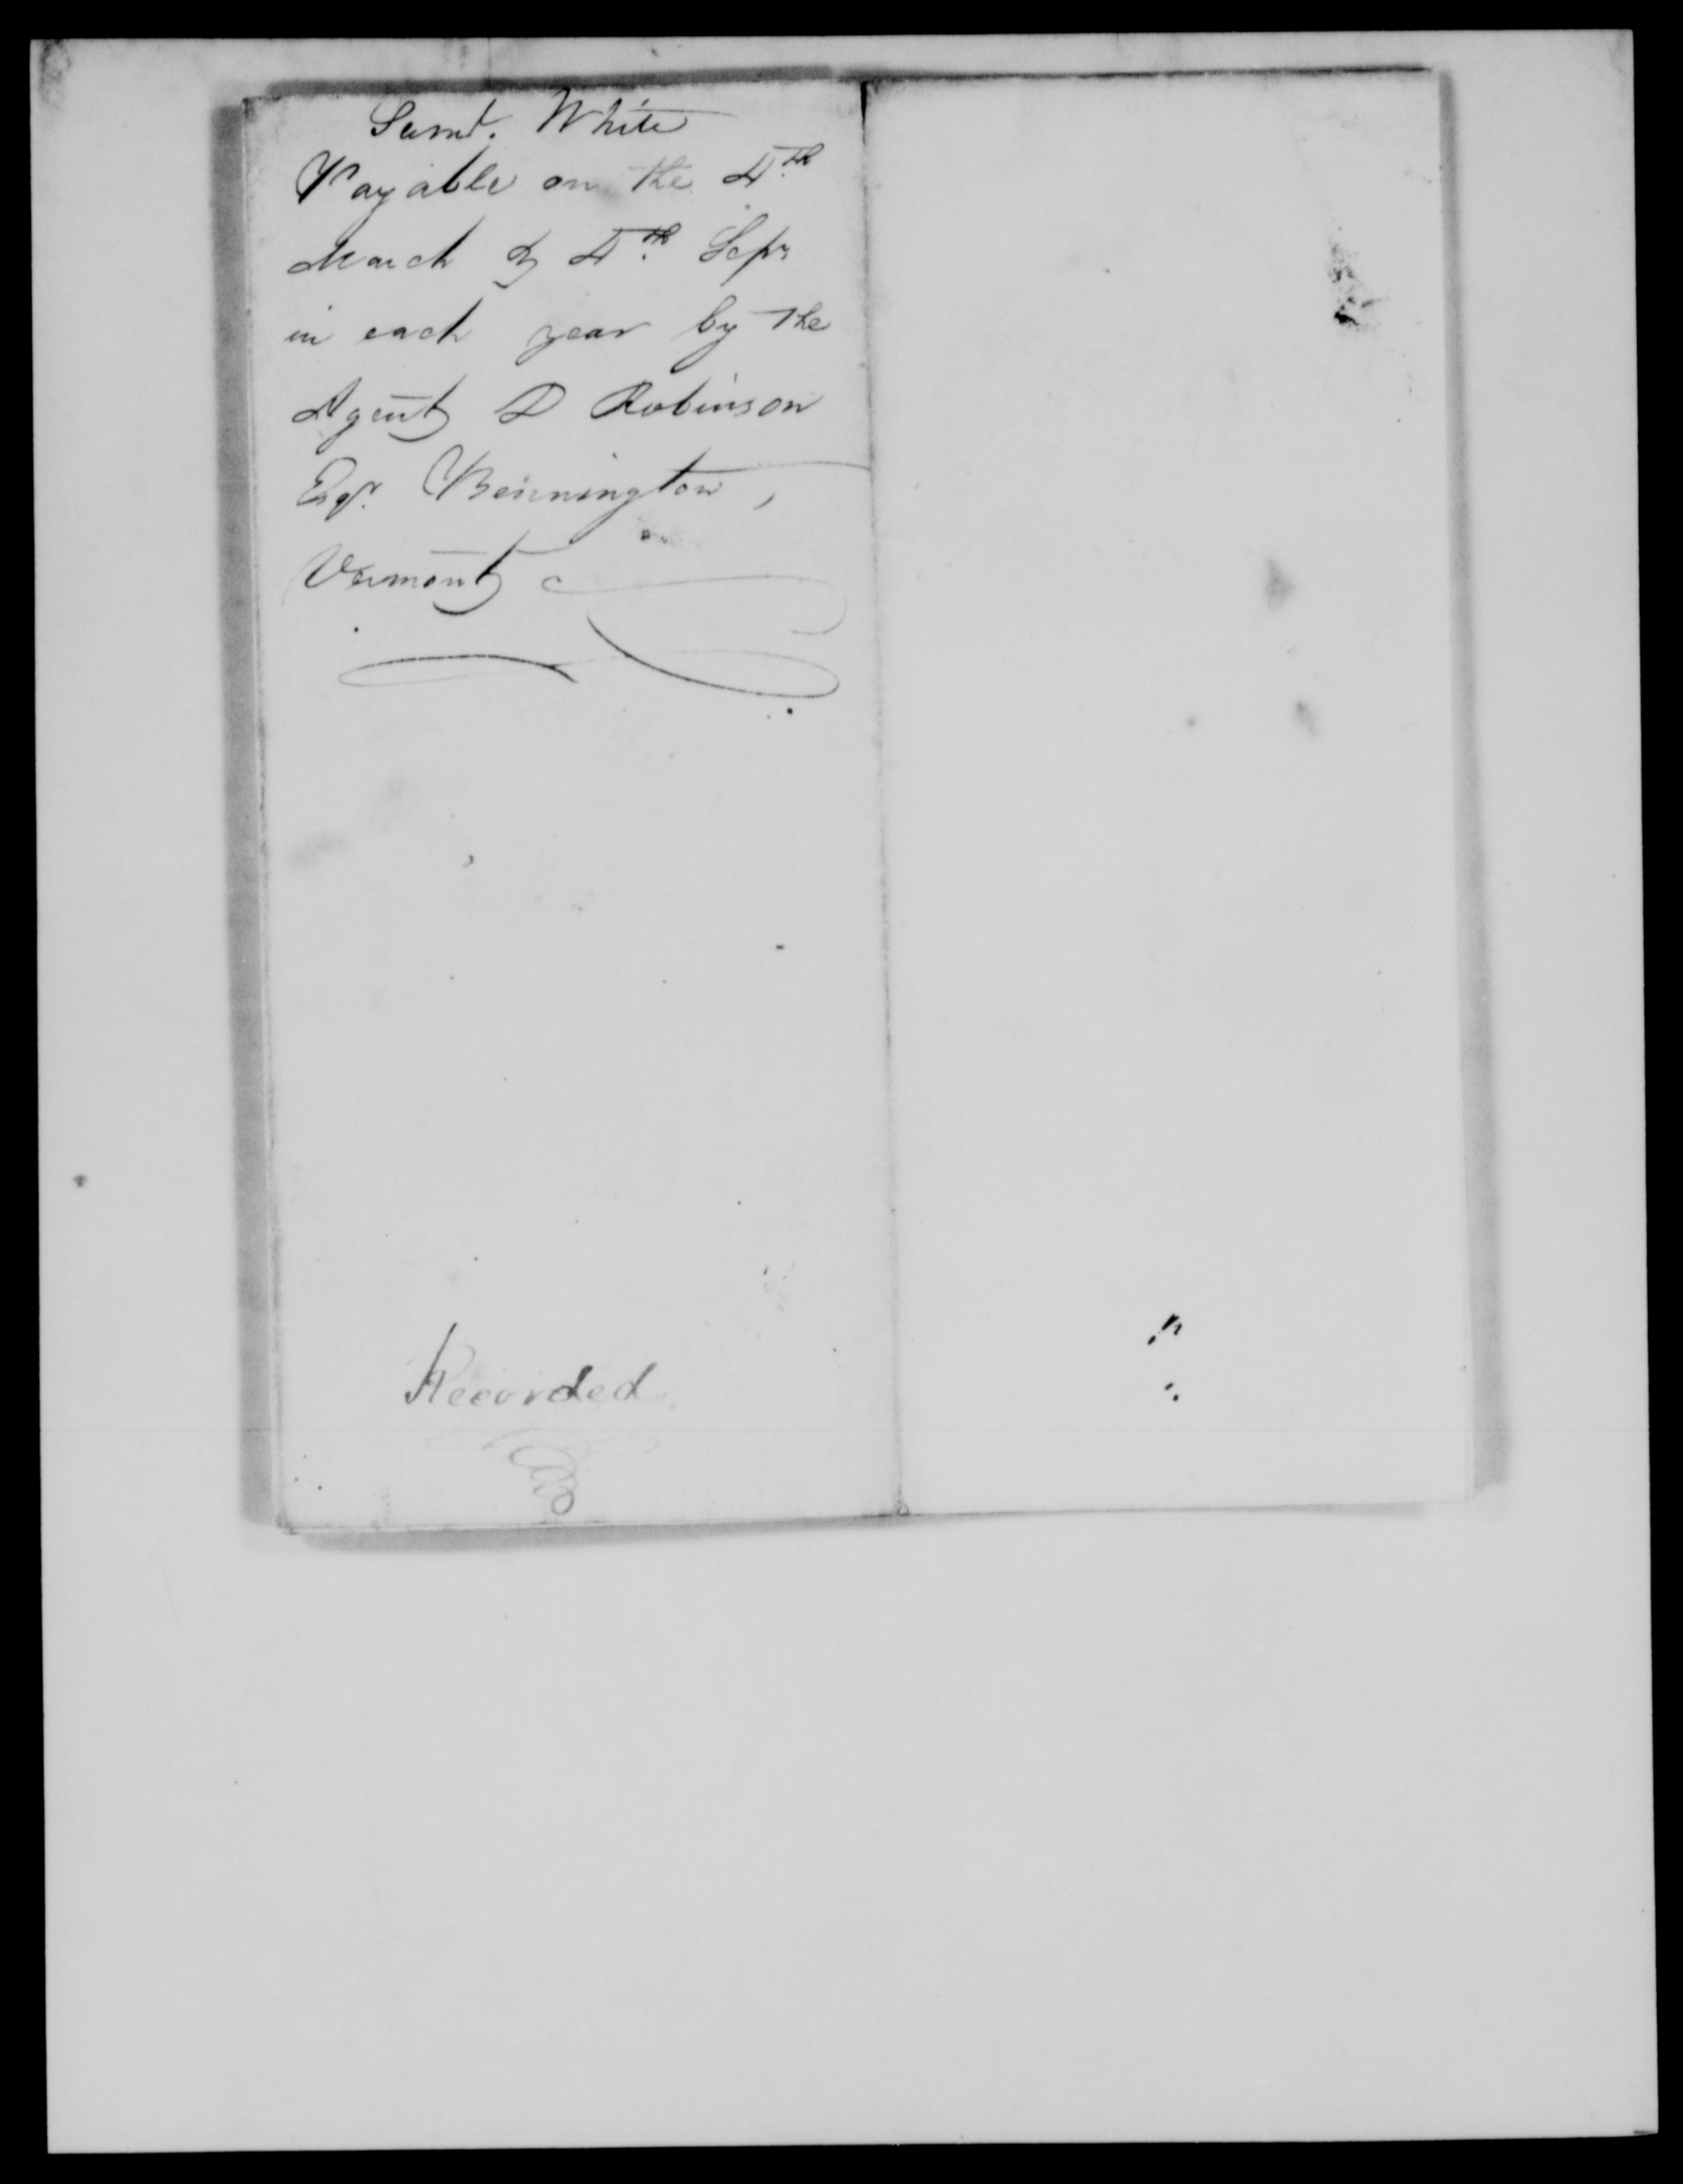Saml. White
Payable on the 4th March & 4th Sept in each year by D. Robinson Esqr. Bennington, Vermont


Recorded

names: D Robinson, Saml White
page: 28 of 79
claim: survivor's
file: S. 11759, Samuel White, Mass.